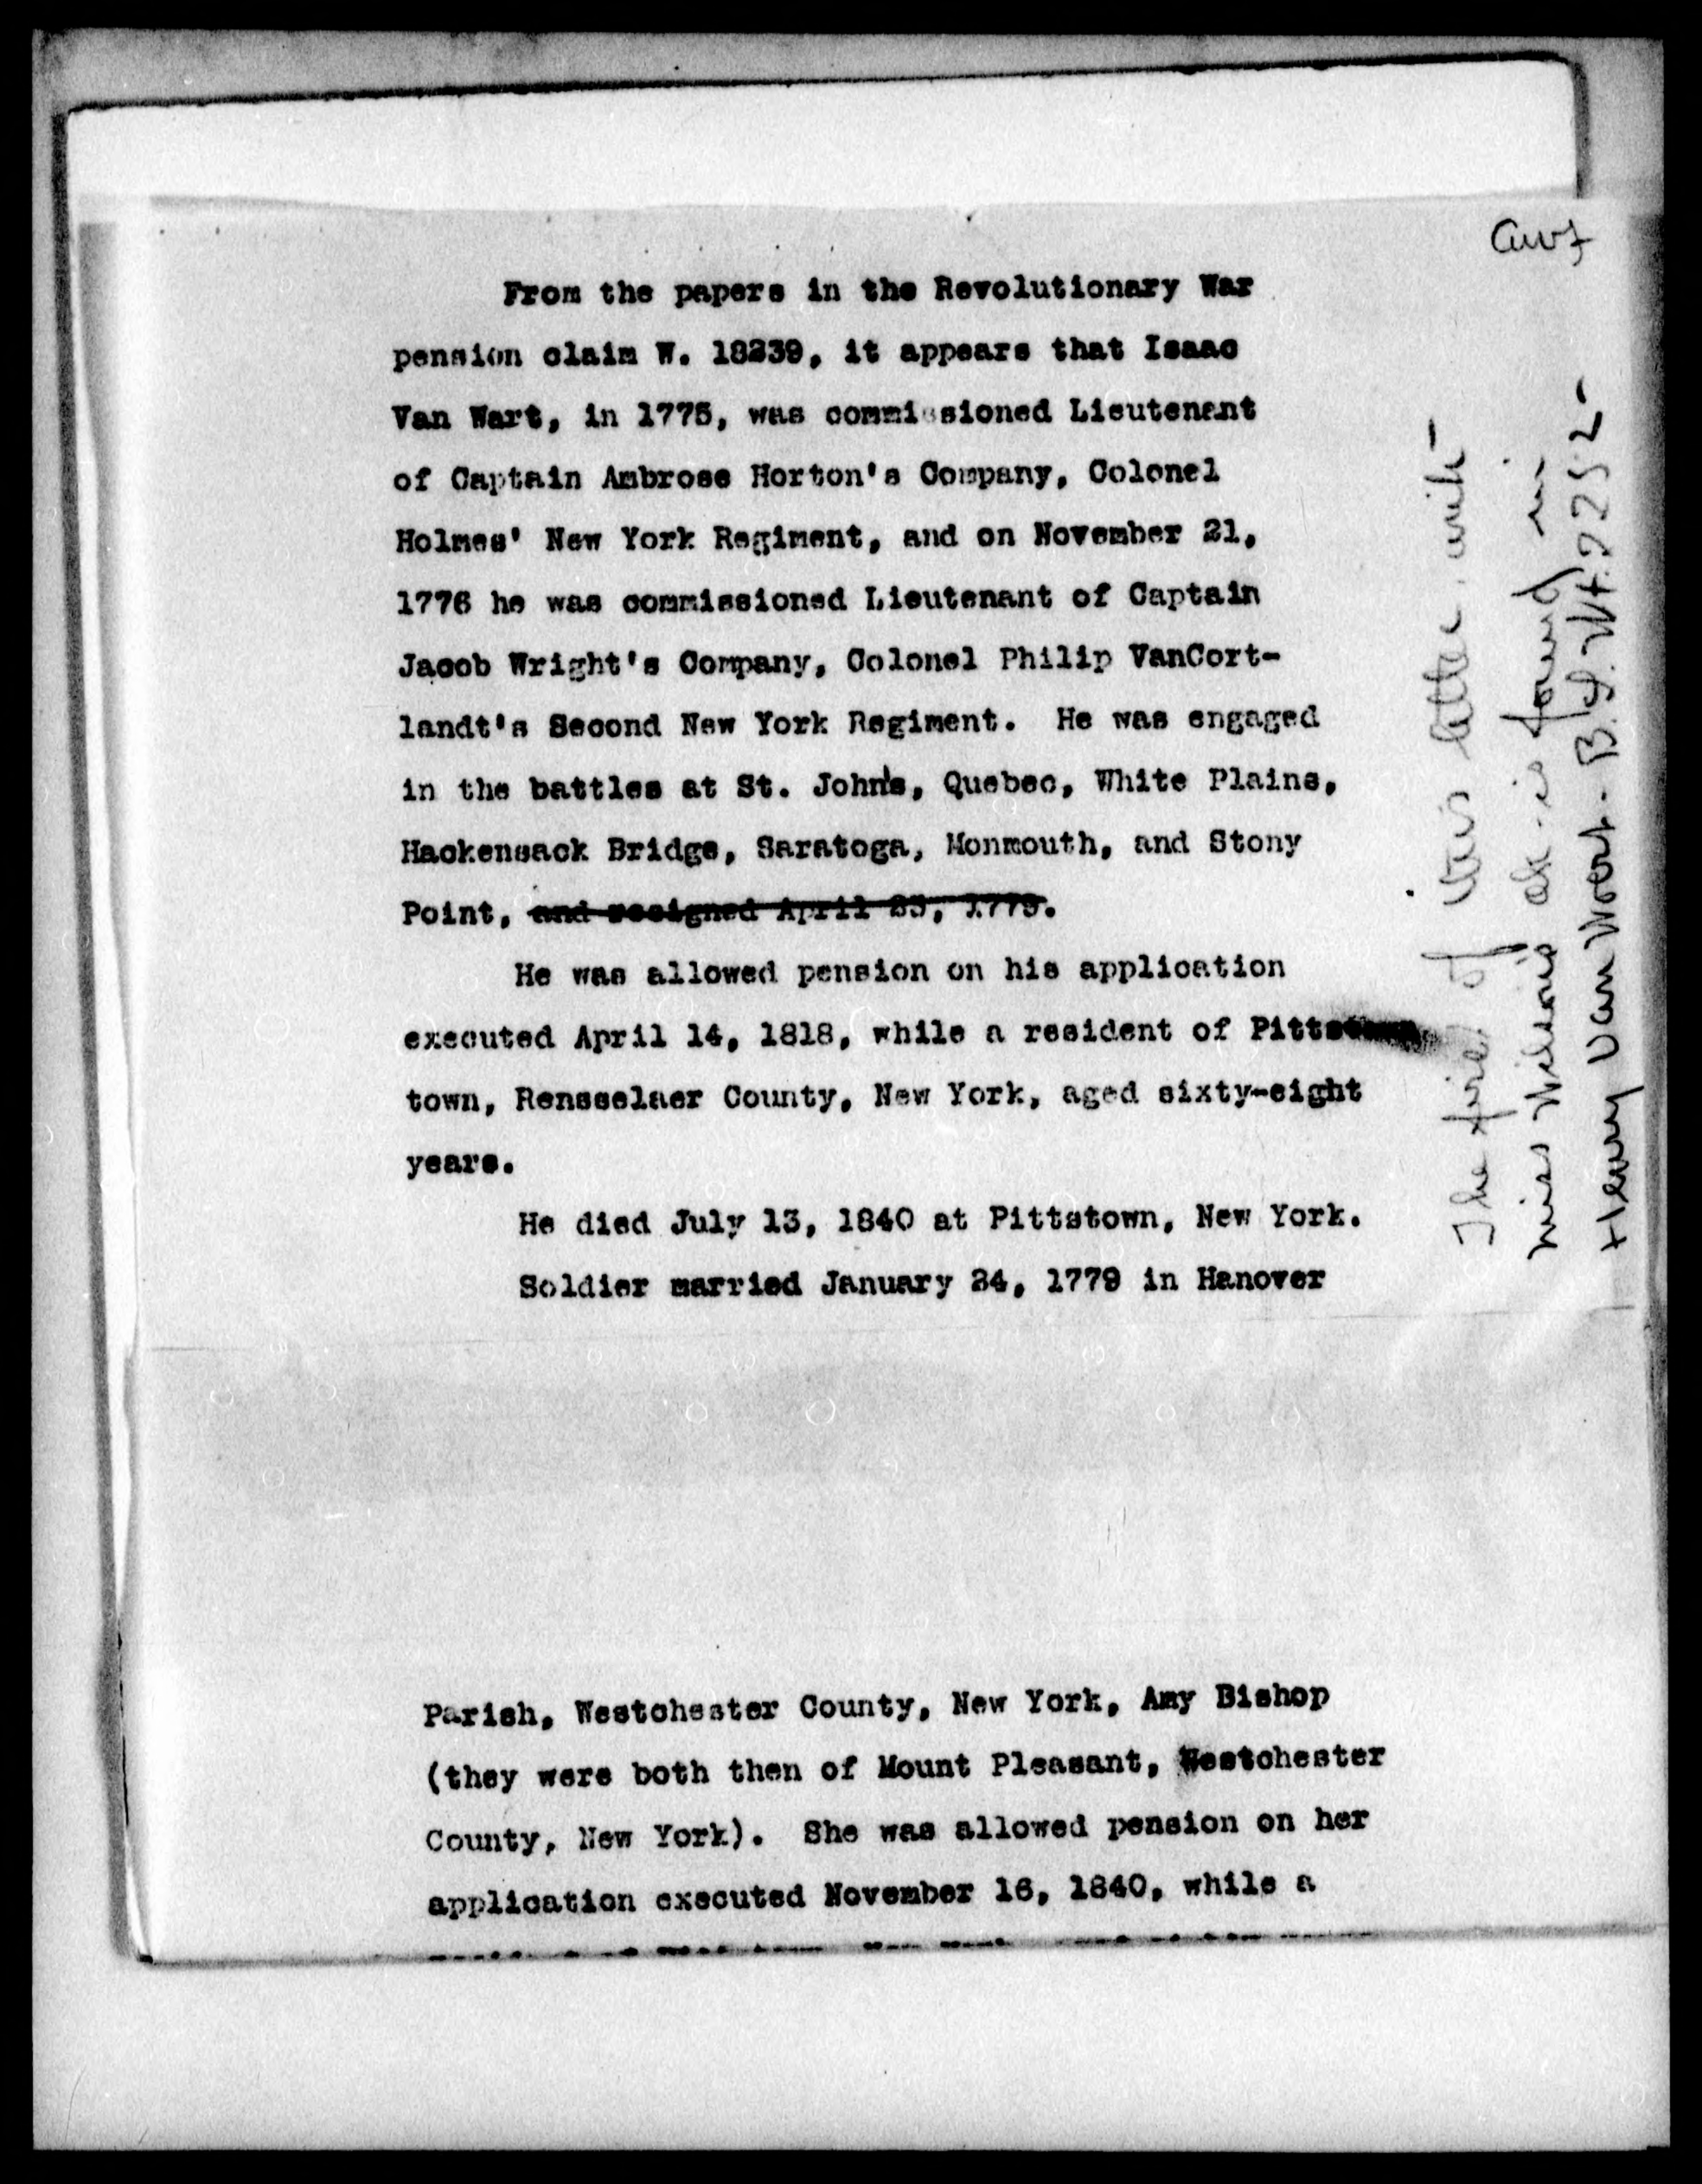From the papers in the Revolutionary War pension claim W. 18239, it appears that Isaac Van Wart, in 1775, was commissioned Lieutenant of Captain Ambrose Horton's Company, Colonel Holmes' New York Regiment, and on November 21, 1776 he was commissioned Lieutenant of Captain Jacob Wright's Company, Colonel Philip Van Cortland's Second New York Regiment. He was engaged in the battles at St. John’s, Quebec, White Plains, Hackensack Bridge, Saratoga, Monmouth, and Stony Point, [and assigned April 23, 1779., crossed out]
He was allowed pension on his application executed April 14, 1818, while a resident of Pittstown, Rensselaer County, New York, aged sixty-eight years. 
He died July 13, 1840 at Pittstown, New York. 
Soldier married January 24, 1779 in Hanover Parish, Westchester County, New York, Amy Bishop (they were both then of Mount Pleasant, Westchester County, New York). She was allowed pension on her application executed November 16, 1840, while a 

[note in right margin]
The fire [?] of this letter, with Miss Wilson’s ok – is found in Henry Van Woert – B. L. Wt. 2252-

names: Isaac Van Wart, Henry Van Woert, Wilson, Amy Bishop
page: 36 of 102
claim: widow's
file: W. 18239, Isaac Van Wart, New York